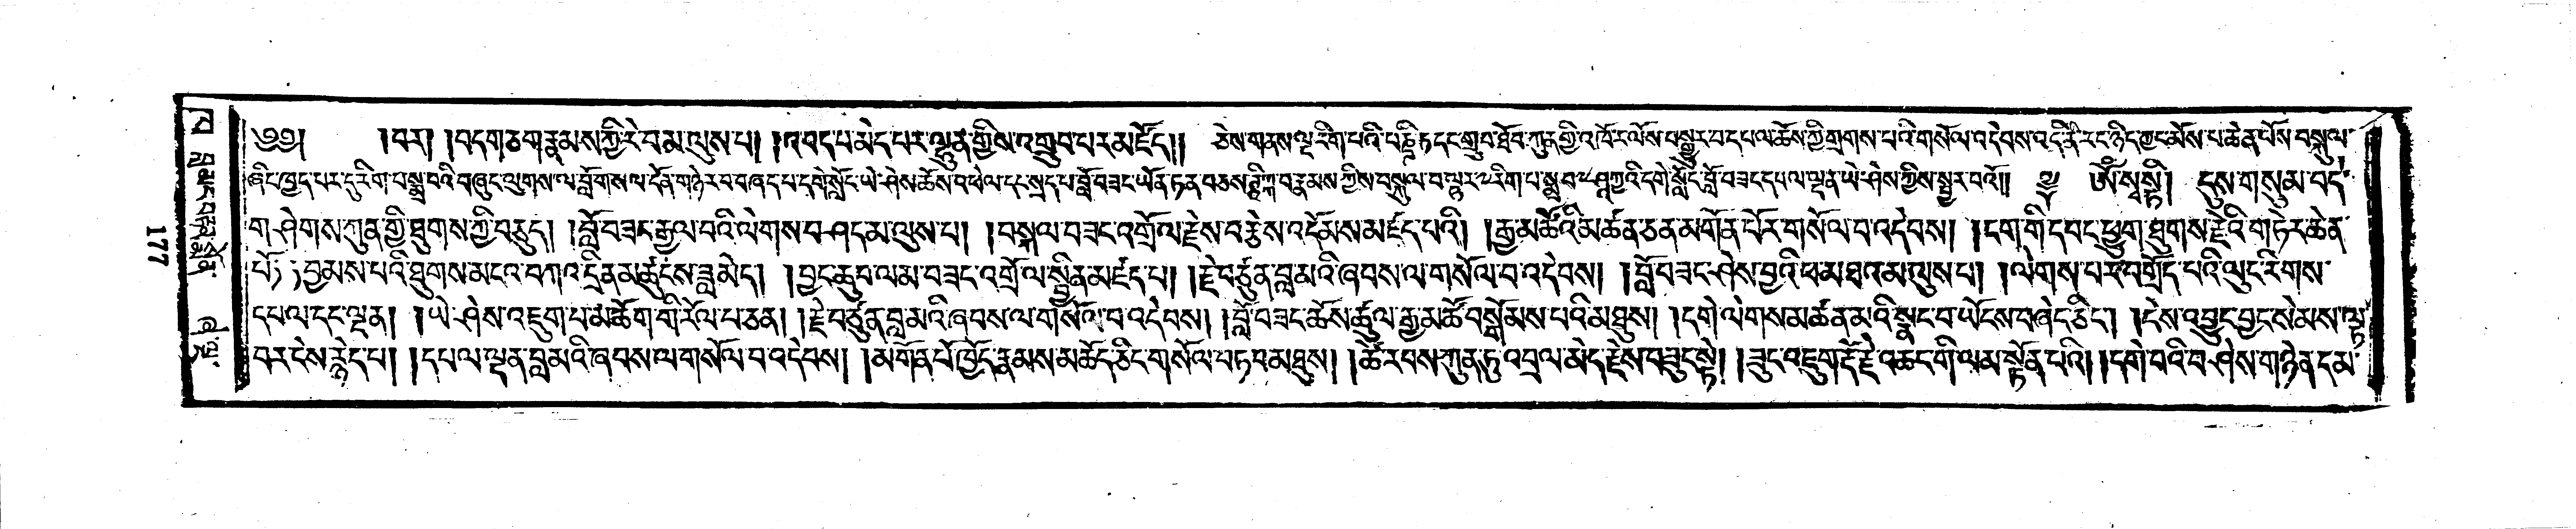༄༅། །བར། །བདག་ཅག་རྣམས་ཀྱི་རེ་བ་མ་ལུས་པ། །འབད་པ་མེད་པར་ལྷུན་གྱིས་འགྲུབ་པར་མཛོད།། ཅེས་གནས་ལྔ་རིག་པའི་པཎྜི་ཏ་དང་གྲུབ་ཐོབ་ཀུན་གྱི་འཁོར་ལོས་བསྒྱུར་བ་དཔལ་ཆོས་ཀྱི་གྲགས་པའི་གསོལ་འདེབས་འདི་ནི་རང་ཉིད་ཀྱང་མོས་པ་ཆེན་པོས་བསྐུལ་
ཞིང་ཁྱད་པར་དུ་རིག་པ་སྨྲ་བའི་བཞུང་ལུགས་ལ་བློགས་ལ་དོན་གཉེར་བ་བཞད་པ་དགེ་སློང་ཡེ་ཤེས་ཆོས་འཕེལ་དང་སྲད་པ་བློ་བཟང་ཡོན་ཏན་བཅས་ཊཱིཀྐ་བ་རྣམས་ཀྱིས་བསྐུལ་བ་ལྟར་༧་རིག་པ་སྨྲ་བ་༧་ཤཱཀྱའི་དགེ་སློང་བློ་བཟང་དཔལ་ལྡན་ཡེ་ཤེས་ཀྱིས་སྦྱར་བའོ།། ༈ ཨོཾ་སྭ་སྟི། དུས་གསུམ་བདེ་
གཤེགས་ཀུན་གྱི་ཐུགས་ཀྱི་བཅུད། །བློ་བཟང་རྒྱལ་བའི་ལེགས་བཤད་མ་ལུས་པ། །བསྐལ་བཟང་འགྲོ་ལ་རྗེས་བརྩེས་འདོམས་མཛད་པའི། །རྒྱ་མཚོའི་མཚན་ཅན་མགོན་པོར་གསོལ་བ་འདེབས། །ངག་གི་དབང་ཕྱུག་ཐུགས་རྗེའི་གཏེར་ཆེན་
པོ༑ ༑བྱམས་པའི་ཐུགས་མངའ་བཀའ་དྲིན་མཚུངས་ཟླ་མེད། །བྱང་ཆུབ་ལམ་བཟང་འགྲོ་ལ་སྦྱིན་མཛད་པ། །རྗེ་བཙུན་བླ་མའི་ཞབས་ལ་གསོལ་བ་འདེབས། །བློ་བཟང་ཤེས་བྱའི་ཕ་མཐའ་མ་ལུས་པ། །ལེགས་པར་བགྲོད་པའི་ལུང་རིགས་
དཔལ་དང་ལྡན། །ཡེ་ཤེས་འཇུག་པ་མཆོག་གི་རོལ་པ་ཅན། །རྗེ་བཙུན་བླ་མའི་ཞབས་ལ་གསོལ་བ་འདེབས། །བློ་བཟང་ཆོས་ཚུལ་རྒྱ་མཚོ་བསྒོམས་པའི་མཐུས། །དགེ་ལེགས་མཚན་མའི་སྣང་བ་ཡོངས་བཞེད་ཅིང་། །ངེས་འབྱུང་བྱང་སེམས་ལྟ་
བར་ངེས་རྙེད་པ། །དཔལ་ལྡན་བླ་མའི་ཞབས་ལ་གསོལ་བ་འདེབས། །མགོན་པོ་ཁྱོད་རྣམས་མཆོད་ཅིང་གསོལ་བཏབ་མཐུས། །ཚེ་རབས་ཀུན་ཏུ་འབྲལ་མེད་རྗེས་བཟུང་སྟེ། །ཟུང་འཇུག་རྡོ་རྗེ་འཆང་གི་ལམ་སྟོན་པའི། །དགེ་བའི་བཤེས་གཉེན་དམ་